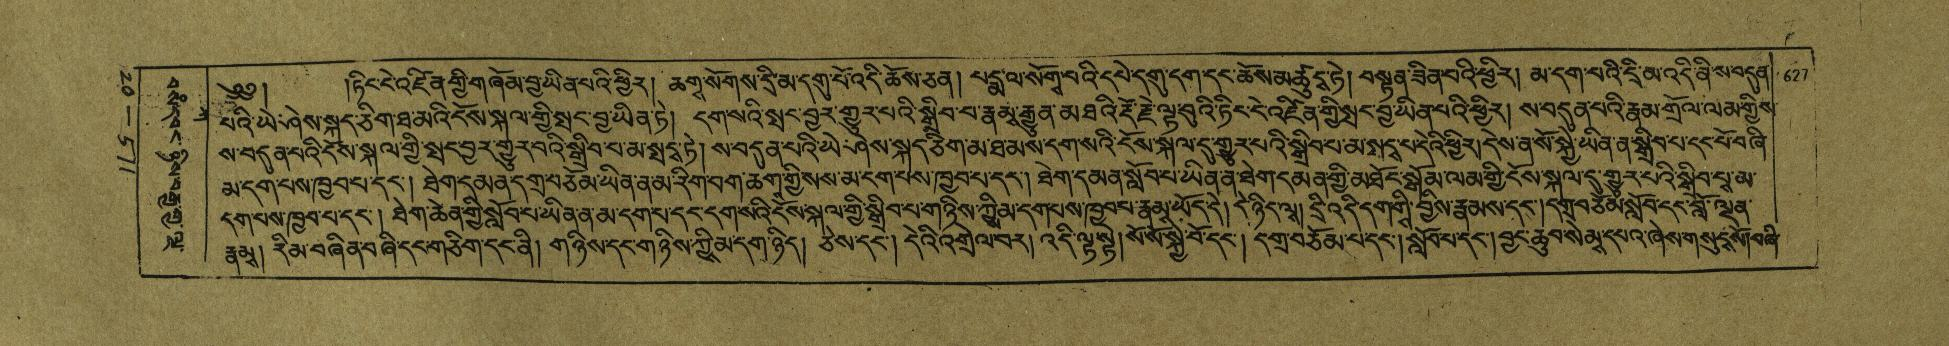༄༅། །ཏིང་ངེ་འཛིན་གྱི་གཞོམ་བྱ་ཡིན་པའི་ཕྱིར། ཆགས་སོགས་དྲི་མ་དགུ་པོ་འདི་ཆོས་ཅན། པདམ་ལ་སོགས་པའི་དཔེ་དགུ་དག་དང་ཆོས་མཚུངས་ཏེ། བསྟན་ཟིན་པའི་ཕྱིར། མ་དག་པའི་དྲི་མ་འདི་ནི་ས་བདུན་
པའི་ཡེ་ཤེས་སྐད་ཅིག་ཐ་མའི་ངོས་སྐལ་གྱི་སྤང་བྱ་ཡིན་ཏེ། དག་སའི་སྤང་བྱར་གྱུར་པའི་སྒྲིབ་པ་རྣམས་རྒྱུན་མཐའི་རྡོ་རྗེ་ལྟ་བུའི་ཏིང་ངེ་འཛིན་གྱི་སྤང་བྱ་ཡིན་པའི་ཕྱིར། ས་བདུན་པའི་རྣམ་གྲོལ་ལམ་གྱིས་
ས་བདུན་པའི་ངོས་སྐལ་གྱི་སྤང་བྱར་གྱུར་བའི་སྒྲིབ་པ་མ་སྤངས་ཏེ། ས་བདུན་པའི་ཡེ་ཤེས་སྐད་ཅིག་མ་ཐ་མས་དག་སའི་ངོས་སྐལ་དུ་གྱུར་པའི་སྒྲིབ་པ་མ་སྤངས་པ་དེའི་ཕྱིར། དེས་ན་སོ་སྐྱེ་ཡིན་ན་སྒྲིབ་པ་དང་པོ་བཞི་
མ་དག་པས་ཁྱབ་པ་དང་། ཐེག་དམན་དགྲ་བཅོམ་ཡིན་ན་མ་རིག་བག་ཆགས་གྱི་སས་མ་དག་པས་ཁྱབ་པ་དང་། ཐེག་དམན་སློབ་པ་ཡིན་ན་ཐེག་དམན་གྱི་མཐོང་སྒོམ་ལམ་གྱི་ངོས་སྐལ་དུ་གྱུར་པའི་སྒྲིབ་པས་མ་
དག་པས་ཁྱབ་པ་དང་། ཐེག་ཆེན་གྱི་སློབ་པ་ཡིན་ན་མ་དག་པ་དང་དག་སའི་ངོས་སྐལ་གྱི་སྒྲིབ་པ་གཉིས་ཀྱིས་མ་དག་པས་ཁྱབ་པ་རྣམས་ཡོད་དེ། དེ་ཉིད་ལས། དྲི་འདི་དག་གིས་བྱིས་རྣམས་དང་། དགྲ་བཅོམ་སློབ་དང་བློ་ལྡན་
རྣམས། རིམ་བཞིན་བཞི་དང་གཅིག་དང་ནི། གཉིས་དང་གཉིས་ཀྱིས་མ་དག་ཉིད། ཅེས་དང་། དེའི་འགྲེལ་བར། འདི་ལྟ་སྟེ། སོ་སོ་སྐྱེ་བོ་དང་། དགྲ་བཅོམ་པ་དང་། སློབ་པ་དང་། བྱང་ཆུབ་སེམས་དཔའ་ཞེས་གསུངས་སོ། བཞི་